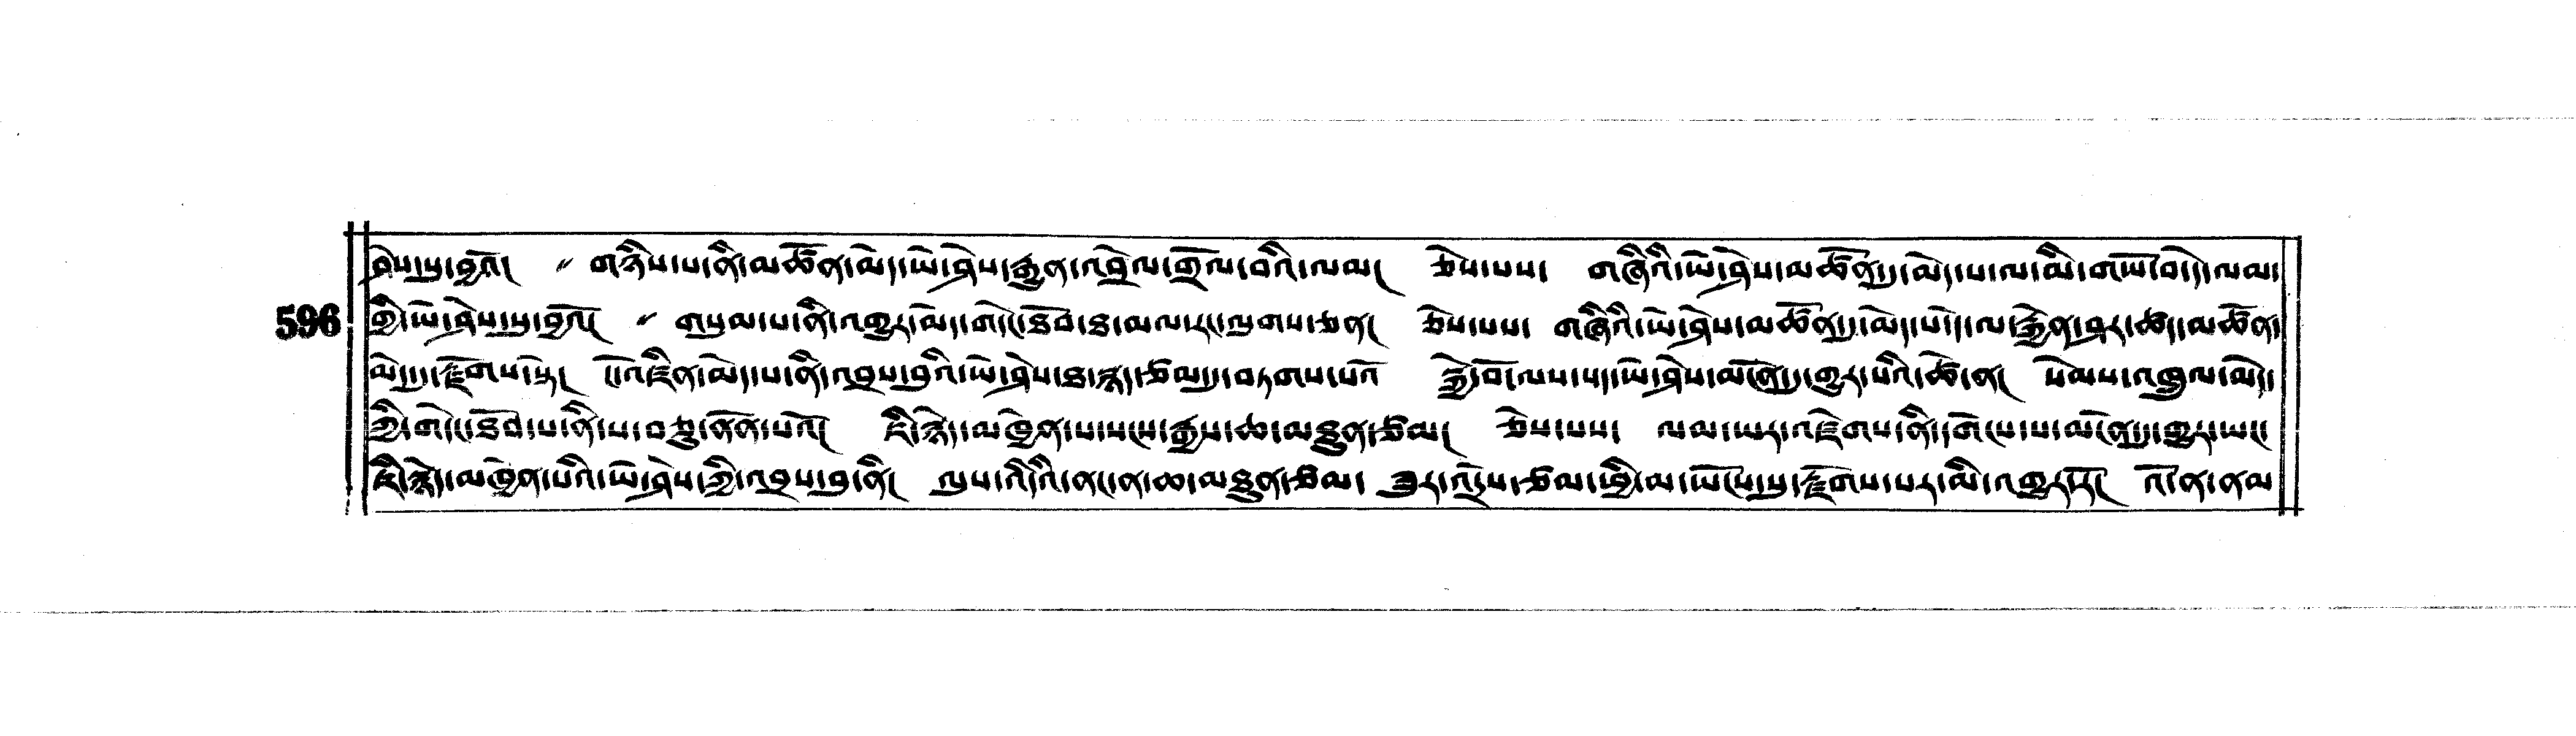ཤེས་སུ་ཤེས་སོ། ༧ གཉིས་པ་ནི་མཚོན་མེད་ཡེ་ཤེས་རྒྱུན་འབྲེལ་གྲོལ་བའི་ལམ། ཅེས་པས། གཞིའི་ཡེ་ཤེས་མཚོན་དུ་མེད་པ་ལ། མི་གཡོ་བ་དེ་ལམ་
གྱི་ཡེ་ཤེས་སུ་བྱའོ། ༧ གསུམ་པ་ནི་འགྱུར་མེད་གདེང་ཐོབ་ཐ་མལ་རང་ལུགས་ཅན། ཅེས་པས། གཞི་ཡི་ཡེ་ཤེས་མཚོན་དུ་མེད་པ་དེ་ལ་རྐྱེན་ཤར་ཚད་མཚོན་
མེད་དུ་རྫོགས་ཏེ། ངོས་འཛིན་མེད་པ་ནི་འབྲས་བུའི་ཡེ་ཤེས་ཐ་སྙད་ཙམ་དུ་བཏགས་པའོ། སྐྱེ་བོ་ལས་དང་ཡེ་ཤེས་མངོན་དུ་གྱུར་པའི་ཚེ་ན། སེམས་འཁྲུལ་མེད་
ཀྱི་གདེང་ཐོབ་པ་ནི་ས་བཅུ་ནོན་པའོ། ཇི་སྙེད་མཁྱེན་པ་སངས་རྒྱས་ཆ་མཐུན་ཙམ། ཅེས་པས། ལམ་ཡར་འཛེགས་ནི་དགོངས་པ་མངོན་དུ་གྱུར་ཡང་། 
ཇི་སྙེད་མཁྱེན་པའི་ཡེ་ཤེས་ཀྱི་འབྲས་བུ་ནི། ལུས་འདིའི་ནང་ན་ཆ་མཐུན་ཙམ་ཟུར་འདྲེས་ཙམ་ཕྱི་མ་ཡོངས་སུ་རྫོགས་པར་མི་འགྱུར་རོ། འོ་ན་ནམ་